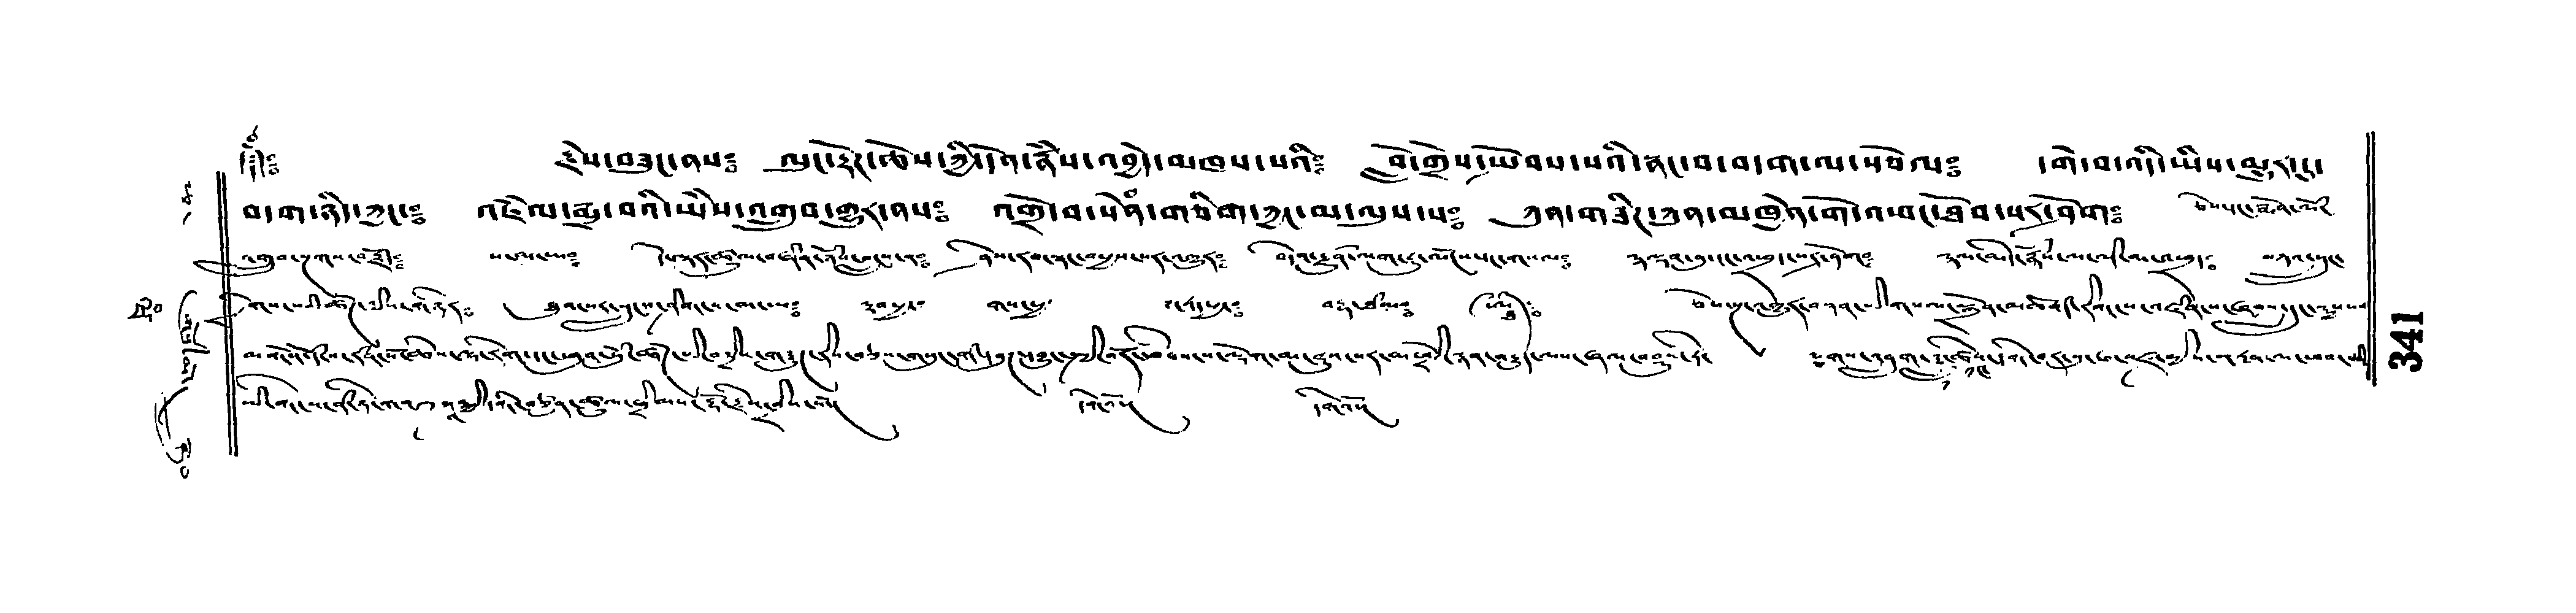རྗེས་བཟུང་ནས༔ ལུང་རྟོགས་ཆོས་ཀྱི་དོན་རྣམས་འབྱེད་མཁས་པའི༔ བློ་གྲོས་སྤོབས་པའི་སྣང་བ་བདག་ལ་སྩོལ༔ དགེ་བ་འདི་ཡིས་མྱུར་དུ་
བདག་ཉིད་ཀྱང༔ འཇམ་དཔལ་སྨྲ་བའི་ཡེ་ཤེས་འགྲུབ་གྱུར་ནས༔ འགྲོ་བ་སེམས་ཅན་གཅིག་ཀྱང་མ་ལུས་པ༔ ཀུན་གཟིགས་ཀུན་མཁྱེན་གོ་འཕང་ཐོབ་པར་ཤོག༔ ཅེས་དང་སྨོན་ལམ་
འགྲུབ་སྔགས་བརྗོད༔ ས་མ་ཡ༔ དེ་ལྟར་ཚུལ་བཞིན་ཉམས་བླངས་ན༔ ཤེས་རབ་སྣང་བ་རྒྱས་པར་འགྱུར༔ བདེན་རྫུན་ལག་ཏུ་ལོངས་དང་གསལ༔ སྐལ་ལྡན་བུ་དང་འཕྲད་པར་ཤོག༔ སྐལ་མེད་རྣམས་ལ་འདི་མ་འཕྲད༔ བཀའ་སྲུང་
དྲེགས་པའི་ཚོགས་ཀྱིས་གཉེར༔ ཐུབ་པར་སྲུངས་ཤིག་ས་མ་ཡ༔ ཟབ་རྒྱ༔ གསང་རྒྱ༔ གཏད་རྒྱ༔ བརྡ་ཐིམ༔ ༔ ཅེས་སྔ་འགྱུར་བསྟན་པའི་གསལ་སྒྲོན་མཆོག་གི་རིག་པ་འཛིན་པ་ཞབས་དྲུང་སྐྱབས་
མགོན་དམ་པ་རིན་པོ་ཆེས་ལྷ་རེག་དང་ཕུན་སུམ་ཚོགས་པའི་བཀྲ་ཤིས་གཟུགས་རིས་བཅས་གསུང་གི་དབུགས་དབྱུང་སྤྱི་བོར་ཕེབས་པ་ལྡོག་མ་ནུས་པར་མཁའ་འགྲོའི་སྙན་བརྒྱུད་ལས་ཞལ་བཤུས་ཏེ། ལྕགས་འབྲུག་ཟླ་དང་པོ་ཚེས་བཅུ་བཞི་དགེ་བར་སུ་ཁ་བཛྲ་གྱིས་གཏན་ལ་ཕབ་པའི་
ཡི་གེ་པ་ནི་ཉེ་གནས་ཤཱཀྱའི་དགེ་བཙུན་ཚུལ་ཁྲིམས་རྡོ་རྗེས་བྲིས་སོ།། དགེའོ།།